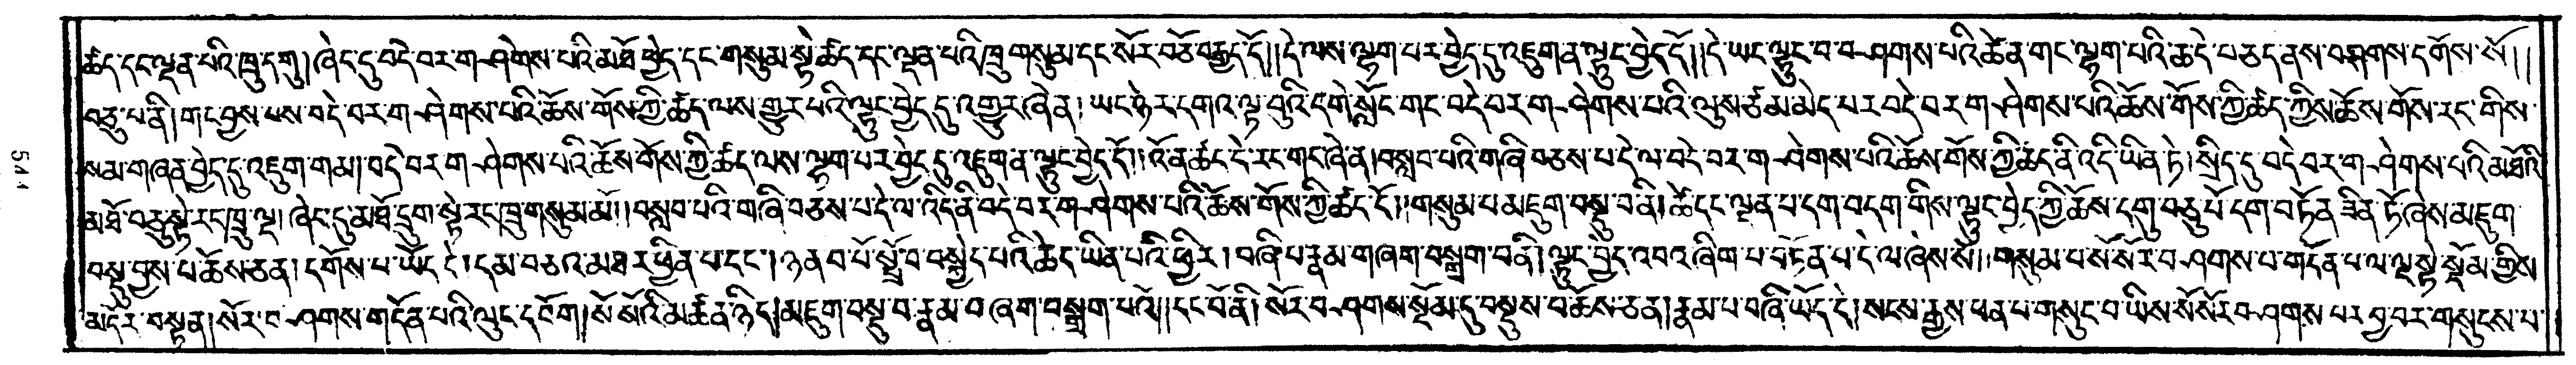ཚད་དང་ལྡན་པའི་ཁྲུ་དགུ། ཞེང་དུ་བདེ་བར་གཤེགས་པའི་མཐོ་ཕྱེད་དང་གསུམ་སྟེ་ཚད་དང་ལྡན་པའི་ཁྲུ་གསུམ་དང་སོར་བཅོ་བརྒྱད་དོ། །དེ་ལས་ལྷག་པར་བྱེད་དུ་འཇུག་ན་ལྟུང་བྱེད་དོ། །དེ་ཡང་ལྟུང་བ་བཤགས་པའི་ཚེ་ན་གང་ལྷག་པའི་ཆ་དེ་བཅད་ནས་བཤགས་དགོས་སོ།།
བཅུ་པ་ནི། གང་བྱས་པས་བདེ་བར་གཤེགས་པའི་ཆོས་གོས་ཀྱི་ཚད་ལས་གྱུར་པའི་ལྟུང་བྱེད་དུ་འགྱུར་ཞེན། ཡང་ཉེར་དགའ་ལྟ་བུའི་དགེ་སློང་གང་བདེ་བར་གཤེགས་པའི་ལུས་ཙམ་མེད་པར་བདེ་བར་གཤེགས་པའི་ཆོས་གོས་ཀྱི་ཚད་ཀྱིས་ཆོས་གོས་རང་གིས་
སམ་གཞན་བྱེད་དུ་འཇུག་གམ། བདེ་བར་གཤེགས་པའི་ཆོས་གོས་ཀྱི་ཚད་ལས་ལྷག་པར་བྱེད་དུ་འཇུག་ན་ལྟུང་བྱེད་དོ། །འོ་ན་ཚད་དེ་རང་གང་ཞེ་ན། བསླབ་པའི་གཞི་བཅས་པ་དེ་ལ་བདེ་བར་གཤེགས་པའི་ཆོས་གོས་ཀྱི་ཚད་ནི་འདི་ཡིན་ཏེ། སྲིད་དུ་བདེ་བར་གཤེགས་པའི་མཐོའི་
མཐོ་བཅུ་སྟེ་རང་ཁྲུ་ལྡ། ཞེང་དུ་མཐོ་དྲུག་སྟེ་རང་ཁྲུ་གསུམ་མོ། །བསླབ་པའི་གཞི་བཅས་པ་དེ་ལ་འདི་ནི་བདེ་བར་གཤེགས་པའི་ཆོས་གོས་ཀྱི་ཚད་དོ། །གསུམ་པ་མཇུག་བསྡུ་བ་ནི། ཚེ་དང་ལྡན་པ་དག་བདག་གིས་ལྟུང་བྱེད་ཀྱི་ཆོས་དགུ་བཅུ་པོ་དག་བཏོན་ཟིན་ཏོ་ཞེས་མཇུག་
བསྡུ་བྱས་པ་ཆོས་ཅན། དགོས་པ་ཡོད་དེ། དམ་བཅའ་མཐར་ཕྱིན་པ་དང་། ཉན་བ་པོ་སྤྲོ་བ་བསྐྱེད་པའི་ཆེད་ཡིན་པའི་ཕྱིར། བཞི་པ་རྣམ་གཞག་བསྒྲག་བ་ནི། ལྟུང་བྱེད་འབའ་ཞིག་པ་བཏོན་པ་དེ་ལ་ཞེས་སོ། །གསུམ་པ་སོ་སོར་བཤགས་པ་གདོན་པ་ལ་ལྔ་སྟེ་སྡོམ་གྱིས་
མདོར་བསྟན། སོར་བཤགས་གདོན་པའི་ལུང་དབོག། སོ་སོའི་མཚན་ཉིད། མཇུག་བསྡུ་བ་རྣམ་བཞག་བསྒྲག་པའོ། །དང་བོ་ནི། སོར་བཤགས་སྡོམ་དུ་བསྡུས་པ་ཆོས་ཅན། རྣམ་པ་བཞི་ཡོད་དེ། སངས་རྒྱས་ཕན་པ་གསུང་པ་ཡིས་སོ་སོར་བཤགས་པར་བྱ་བར་གསུངས་པ་